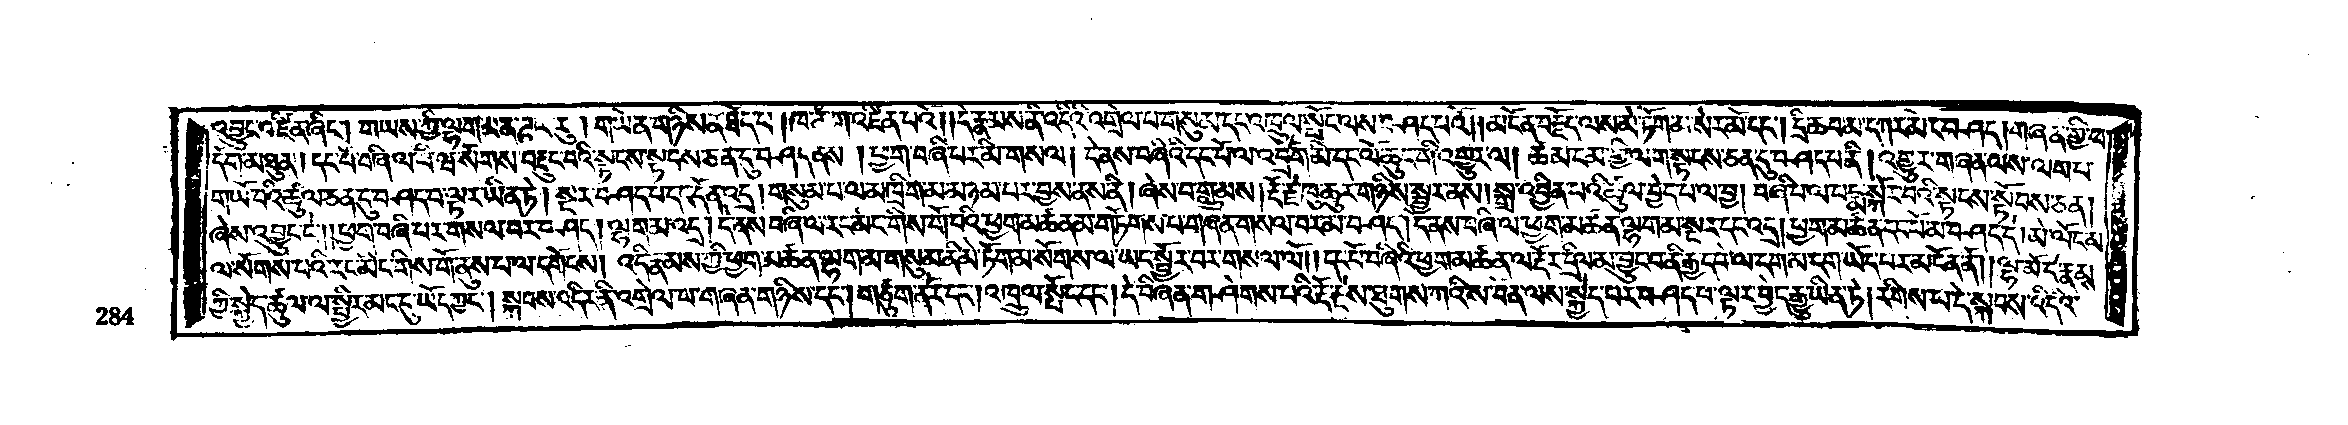འབྱུང་འཛིན་ཞིང་། གཡས་ཀྱི་ལྷག་མ་ན་ཌཱ་མ་རུ། གཡོན་གཉིས་ན་ཐོད་པ། ཁ་ཊྭཱཾ་ག་འཛིན་པའོ། །དེ་རྣམས་ནི་འདིའི་འགྲེལ་པ་གསུམ་དང་འཁྲུལ་སྤོང་ལས་བཤད་པའོ། །མངོན་བརྗོད་ལས་མེ་ཏོག་མ་སེར་མོ་དང་། དྲི་ཆབ་མ་དཀར་མོར་བཤད། གཞན་གྱི་ཁ་
དོག་མཐུན། དང་པོ་བཞི་ལ་པི་ཝཾ་སོགས་བརྡུང་བའི་སྟངས་སྟབས་ཅན་དུ་བཤད་ནས། ཕྱག་བཞི་པར་མི་གསལ། དེ་ནས་བཞིའི་དང་པོ་ལ་འབྲོག་མི་དང་ལོ་ཆུང་གི་འགྱུར་ལ། ཚམ་ངམ་གྱི་ལག་སྟངས་ཅན་དུ་བཤད་པ་ནི། འགྱུར་གཞན་ལས་ལག་པ་
གཡོ་བའི་ཚུལ་ཅན་དུ་བཤད་པ་ལྟར་ཡིན་ཏེ། སྔར་བཤད་པ་དང་དོན་འདྲ། གསུམ་པ་ལ་མཁྲིག་མ་མཉམ་པར་བྱས་ནས་ནི། ཞེས་པ་གླུ་མས། རྡོ་རྗེ་ཁུ་ཆུར་གཉིས་སྦྱར་ནས། སྒྲ་འབྱིན་པའི་ཚུལ་བྱེད་པ་ལ་བྱ། བཞི་པ་ལ་པདམ་སྐོར་བའི་སྟངས་སྟོབས་ཅན།
ཞེས་འབྱུང་ངོ། །ཕྱག་བཞི་པར་གསལ་བར་བཤད། ལྷག་མ་འདྲ། དེ་ནས་བཞི་ལ་རང་མིང་གིས་གོ་བའི་ཕྱག་མཚན་མ་གཏོགས་པ་གཞན་གསལ་བར་མ་བཤད། དེ་ནས་བཞི་ལ་ཕྱག་མཚན་ལྷག་མ་སྔར་དང་འདྲ། ཕྱག་མཚན་དང་པོ་མ་བཤད་དེ། མེ་ལོང་མ་
ལ་སོགས་པའི་རང་མིང་གིས་གོ་ནུས་པ་ལ་དགོངས། འདི་རྣམས་ཀྱི་ཕྱག་མཚན་ལྷག་མ་གསུམ་ནི་མེ་ཏོག་མ་སོགས་ལ་ཡང་སྦྱོར་བར་གསལ་ལོ། །དང་པོ་བཞིའི་ཕྱག་མཚན་ལ་རྡོར་དྲིལ་མ་བྱུང་བ་ནི་རྒྱ་དཔེ་ལ་དག་མ་དག་ཡོད་པར་མངོན་ནོ། །ལྷ་མོ་དེ་རྣམས་
ཀྱི་སྐྱེད་ཚུལ་ལ་སྤྱིར་མང་དུ་ཡོད་ཀྱང་། སྐབས་འདིར་ནི་འགྲེལ་པ་གཞན་གཉིས་དང་། གཙུག་ནོར་དང་། འཁྲུལ་སྤོང་དང་། དེ་བཞིན་གཤེགས་པའི་རྡོ་རྗེས་ཐུགས་ཀའི་ས་བོན་ལས་སྐྱེད་པར་བཤད་པ་ལྟར་བྱེད་རྒྱུ་ཡིན་ཏེ། རིགས་པ་དེ་སྐབས་འདིའི་